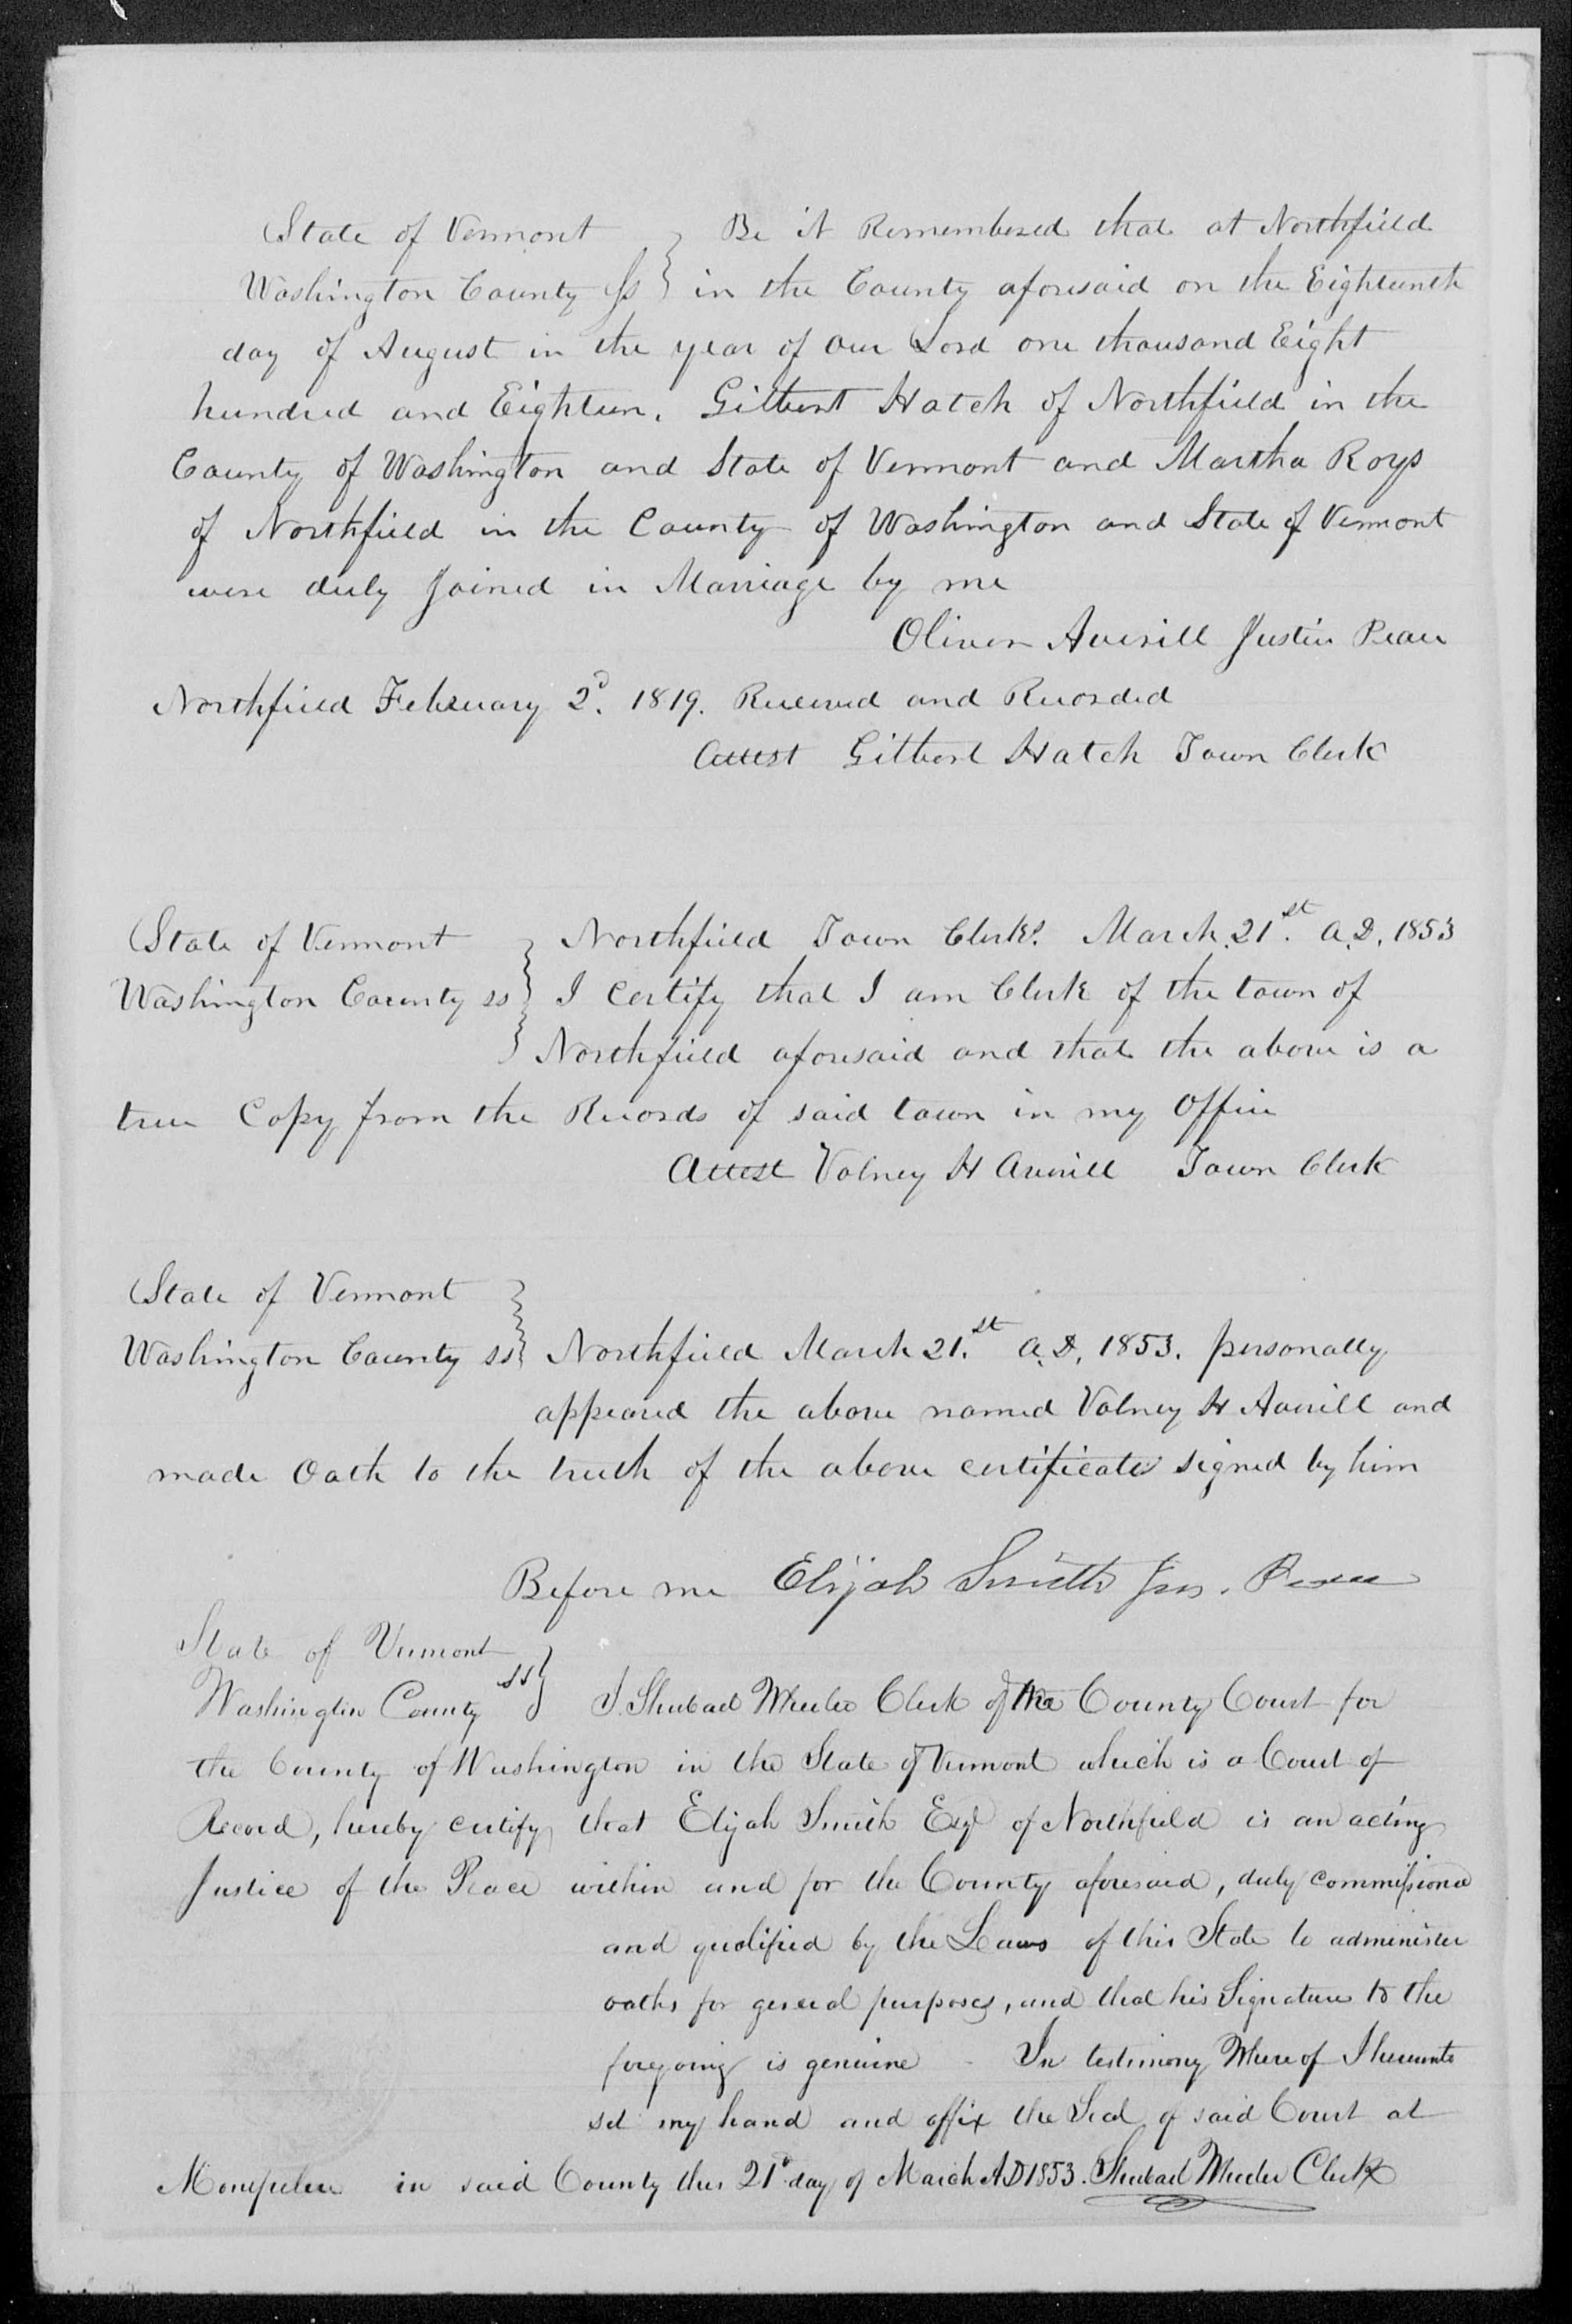State of Vermont }
Washington County ss } Be it Remembered that at Northfield in the County aforesaid on the Eighteenth day of August in the year of our Lord one thousand Eight hundred and Eighteen, Gilbert Hatch of Northfield in the County of Washington and State of Vermont and Martha Roys [Royce] of Northfield in the County of Washington and State of Vermont were duly joined in Marriage by me

Oliver Averill Justice Peace


Northfield February 2d 1819. Received and Recorded

Attest Gilbert Hatch Town Clerk


State of Vermont }
Washington County ss }  Northfield Town Clerk. March 21st A.D. 1853 I certify that I am Clerk of the town of Northfield aforesaid and that the above is a true copy from the Records of said town in my office

Attest Volney H Averill Town Clerk


State of Vermont }
Washington County ss } Northfield March 21st A.D. 1853. personally appeared the above named Volney H Averill and made oath to the truth of the above certificate signed by him

Before me Elijah Smith Jus. Peace


State of Vermont }
Washington County ss } I, Shubert Wheeler Clerk of the County Court for the County of Washington in the State of Vermont which is a Court of Record, hereby certify that Elijah Smith Esq of Northfield is an acting Justice of the Peace within and for the County aforesaid, duly commissioned and qualified by the Laws of this State to administer oaths for general purposes, and that his signature to the foregoing is genuine. In testimony Whereof I hereunto set my hand and affix the Seal of said Court at Montpelier in said County this 21 day of March AD 1853. Shubert Wheeler Clerk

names: Gilbert Hatch, Oliver Averill, Elijah Smith, Volney H Averill, Elijah Smith, Shubael Wheeler, Shubael Wheeler, Volney H Averill, Martha Roys, Gilbert Hatch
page: 14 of 47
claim: widow's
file: W. 225, Gilbert Hatch, Conn.